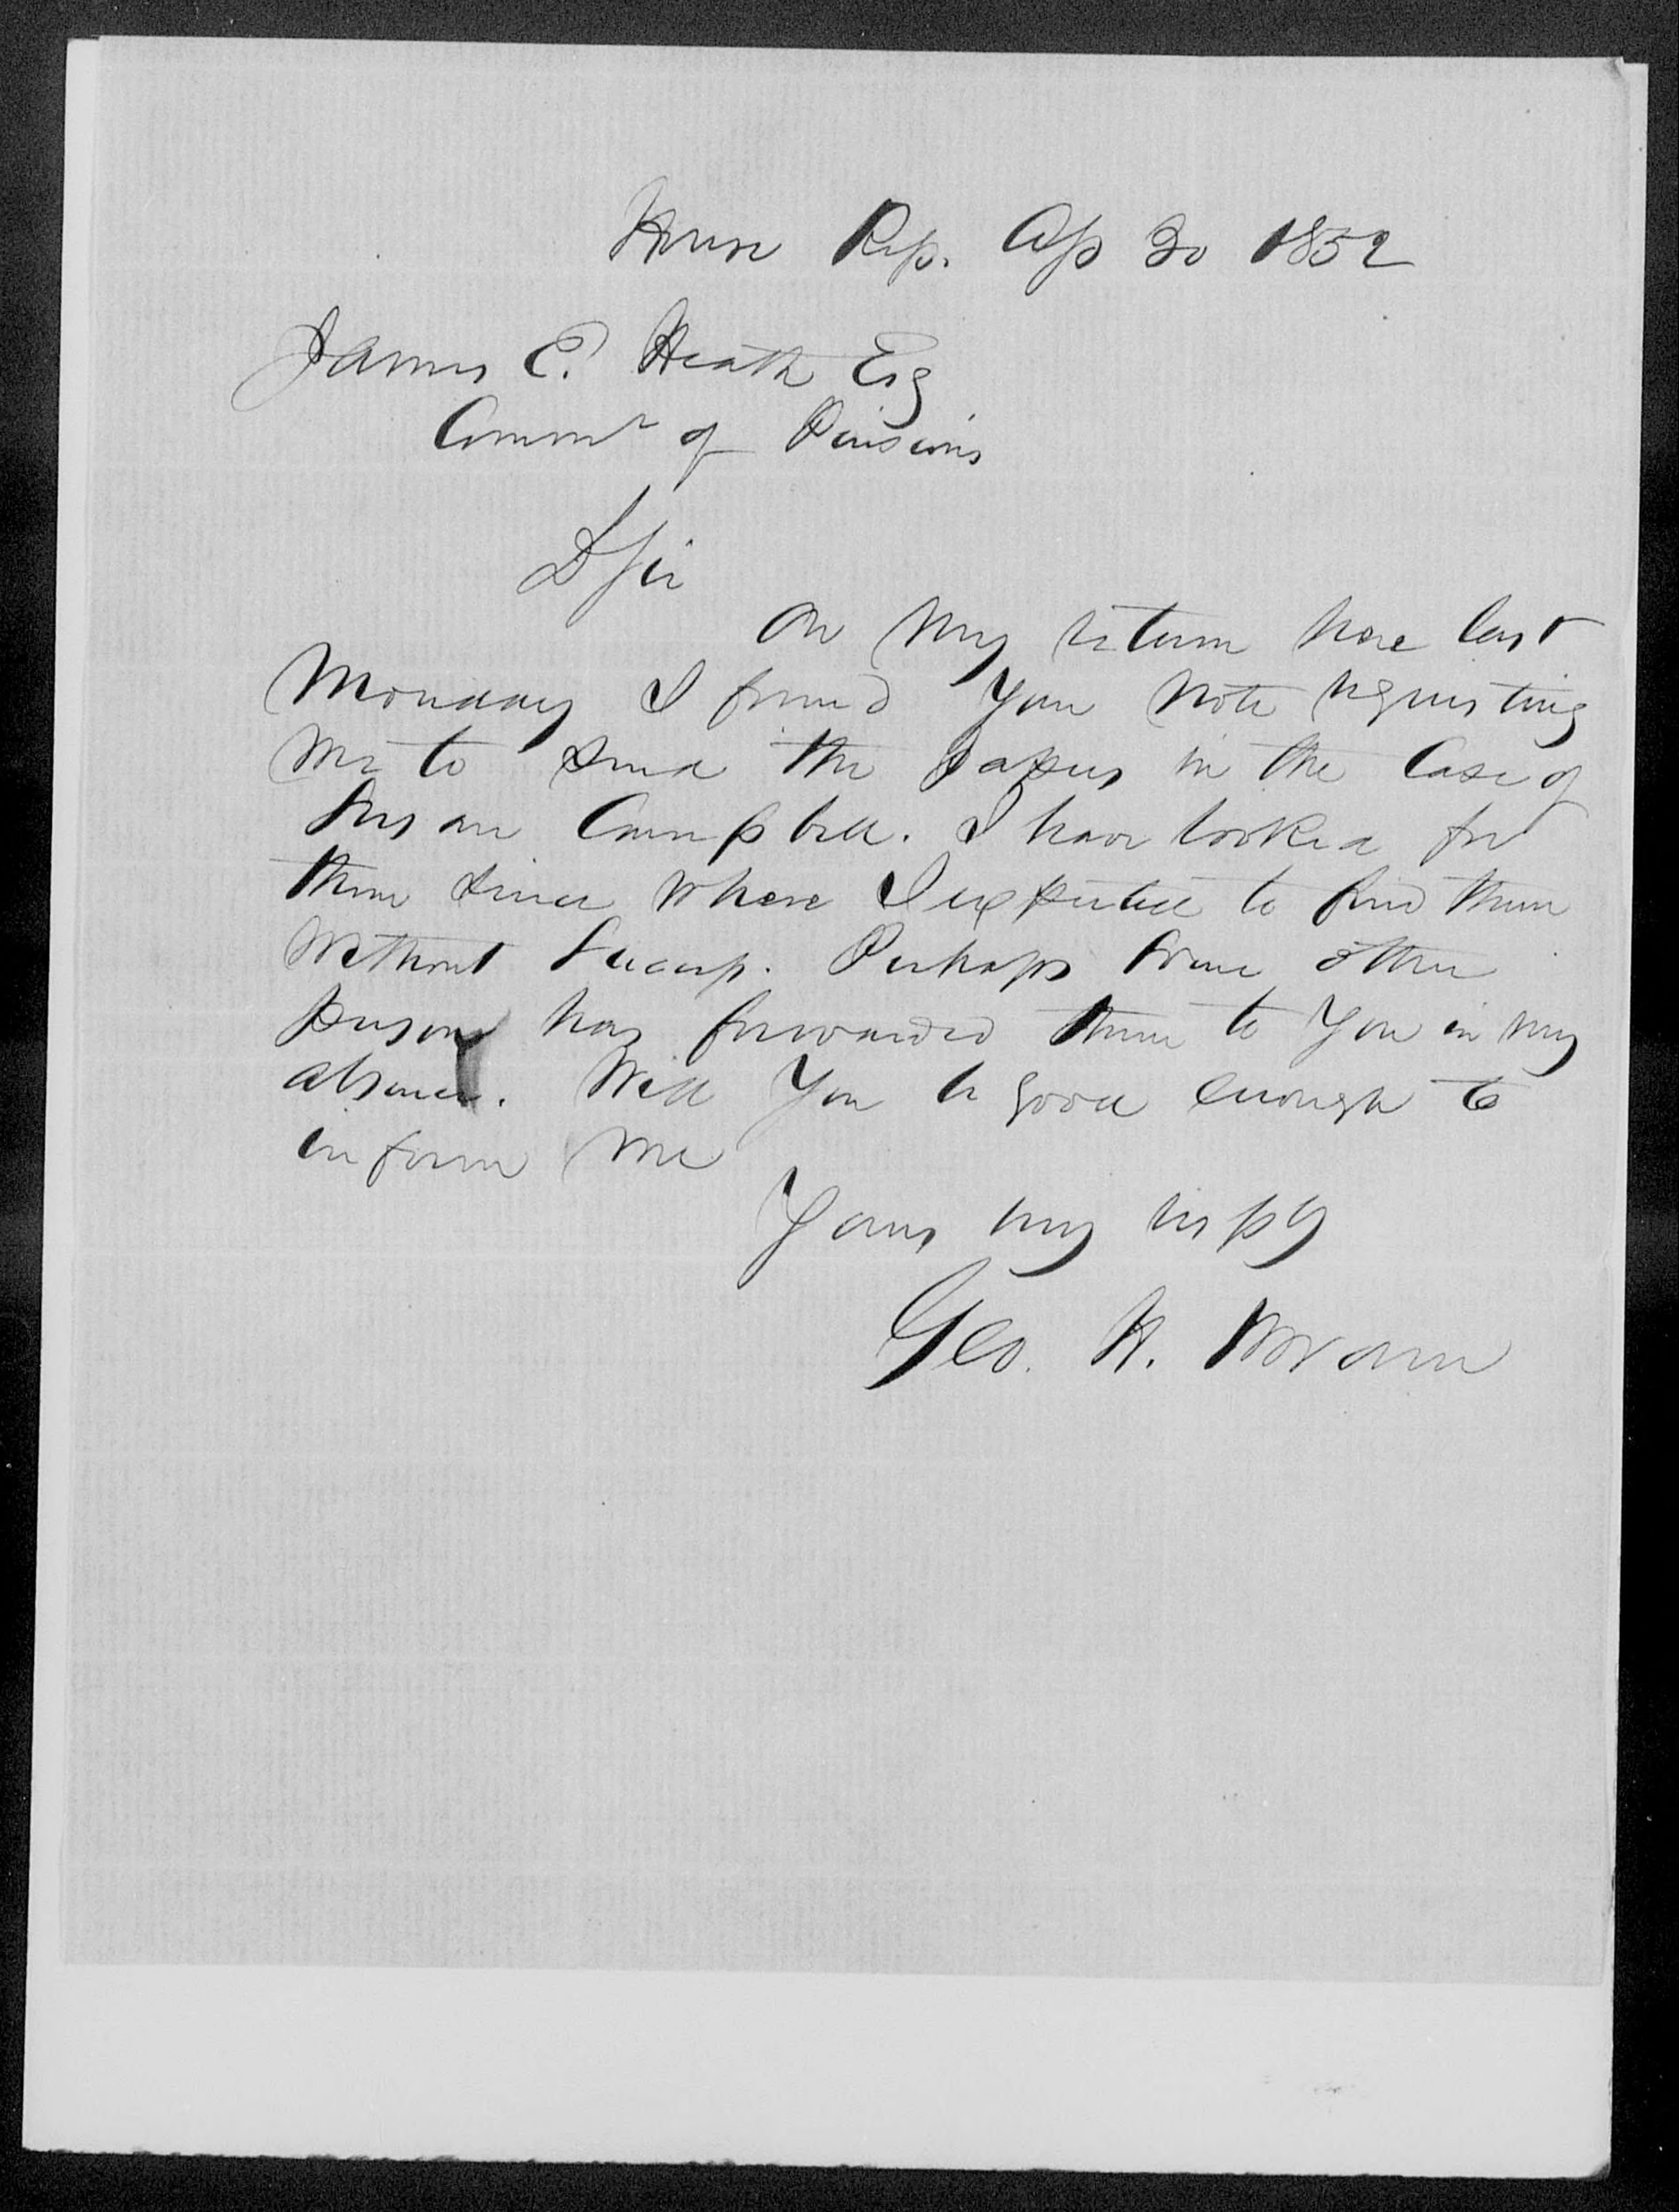House Reps. Ap 30 1852
James E. Heath Esq
Commr of Pensions

D Sir
On my return home last Monday I found your note requesting me to send the papers in the Case of Susan Campbell. I have looked for them since where I expected to find them Without success. Perhaps from other person has forwarded them to you in my absence. Wil you be good enough to inform me
Yours very respy
Geo. H Brown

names: James E Heath, Geo H Brown, Susan Campbell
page: 126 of 267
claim: widow's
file: W. 4,149, William Campbell, Va.